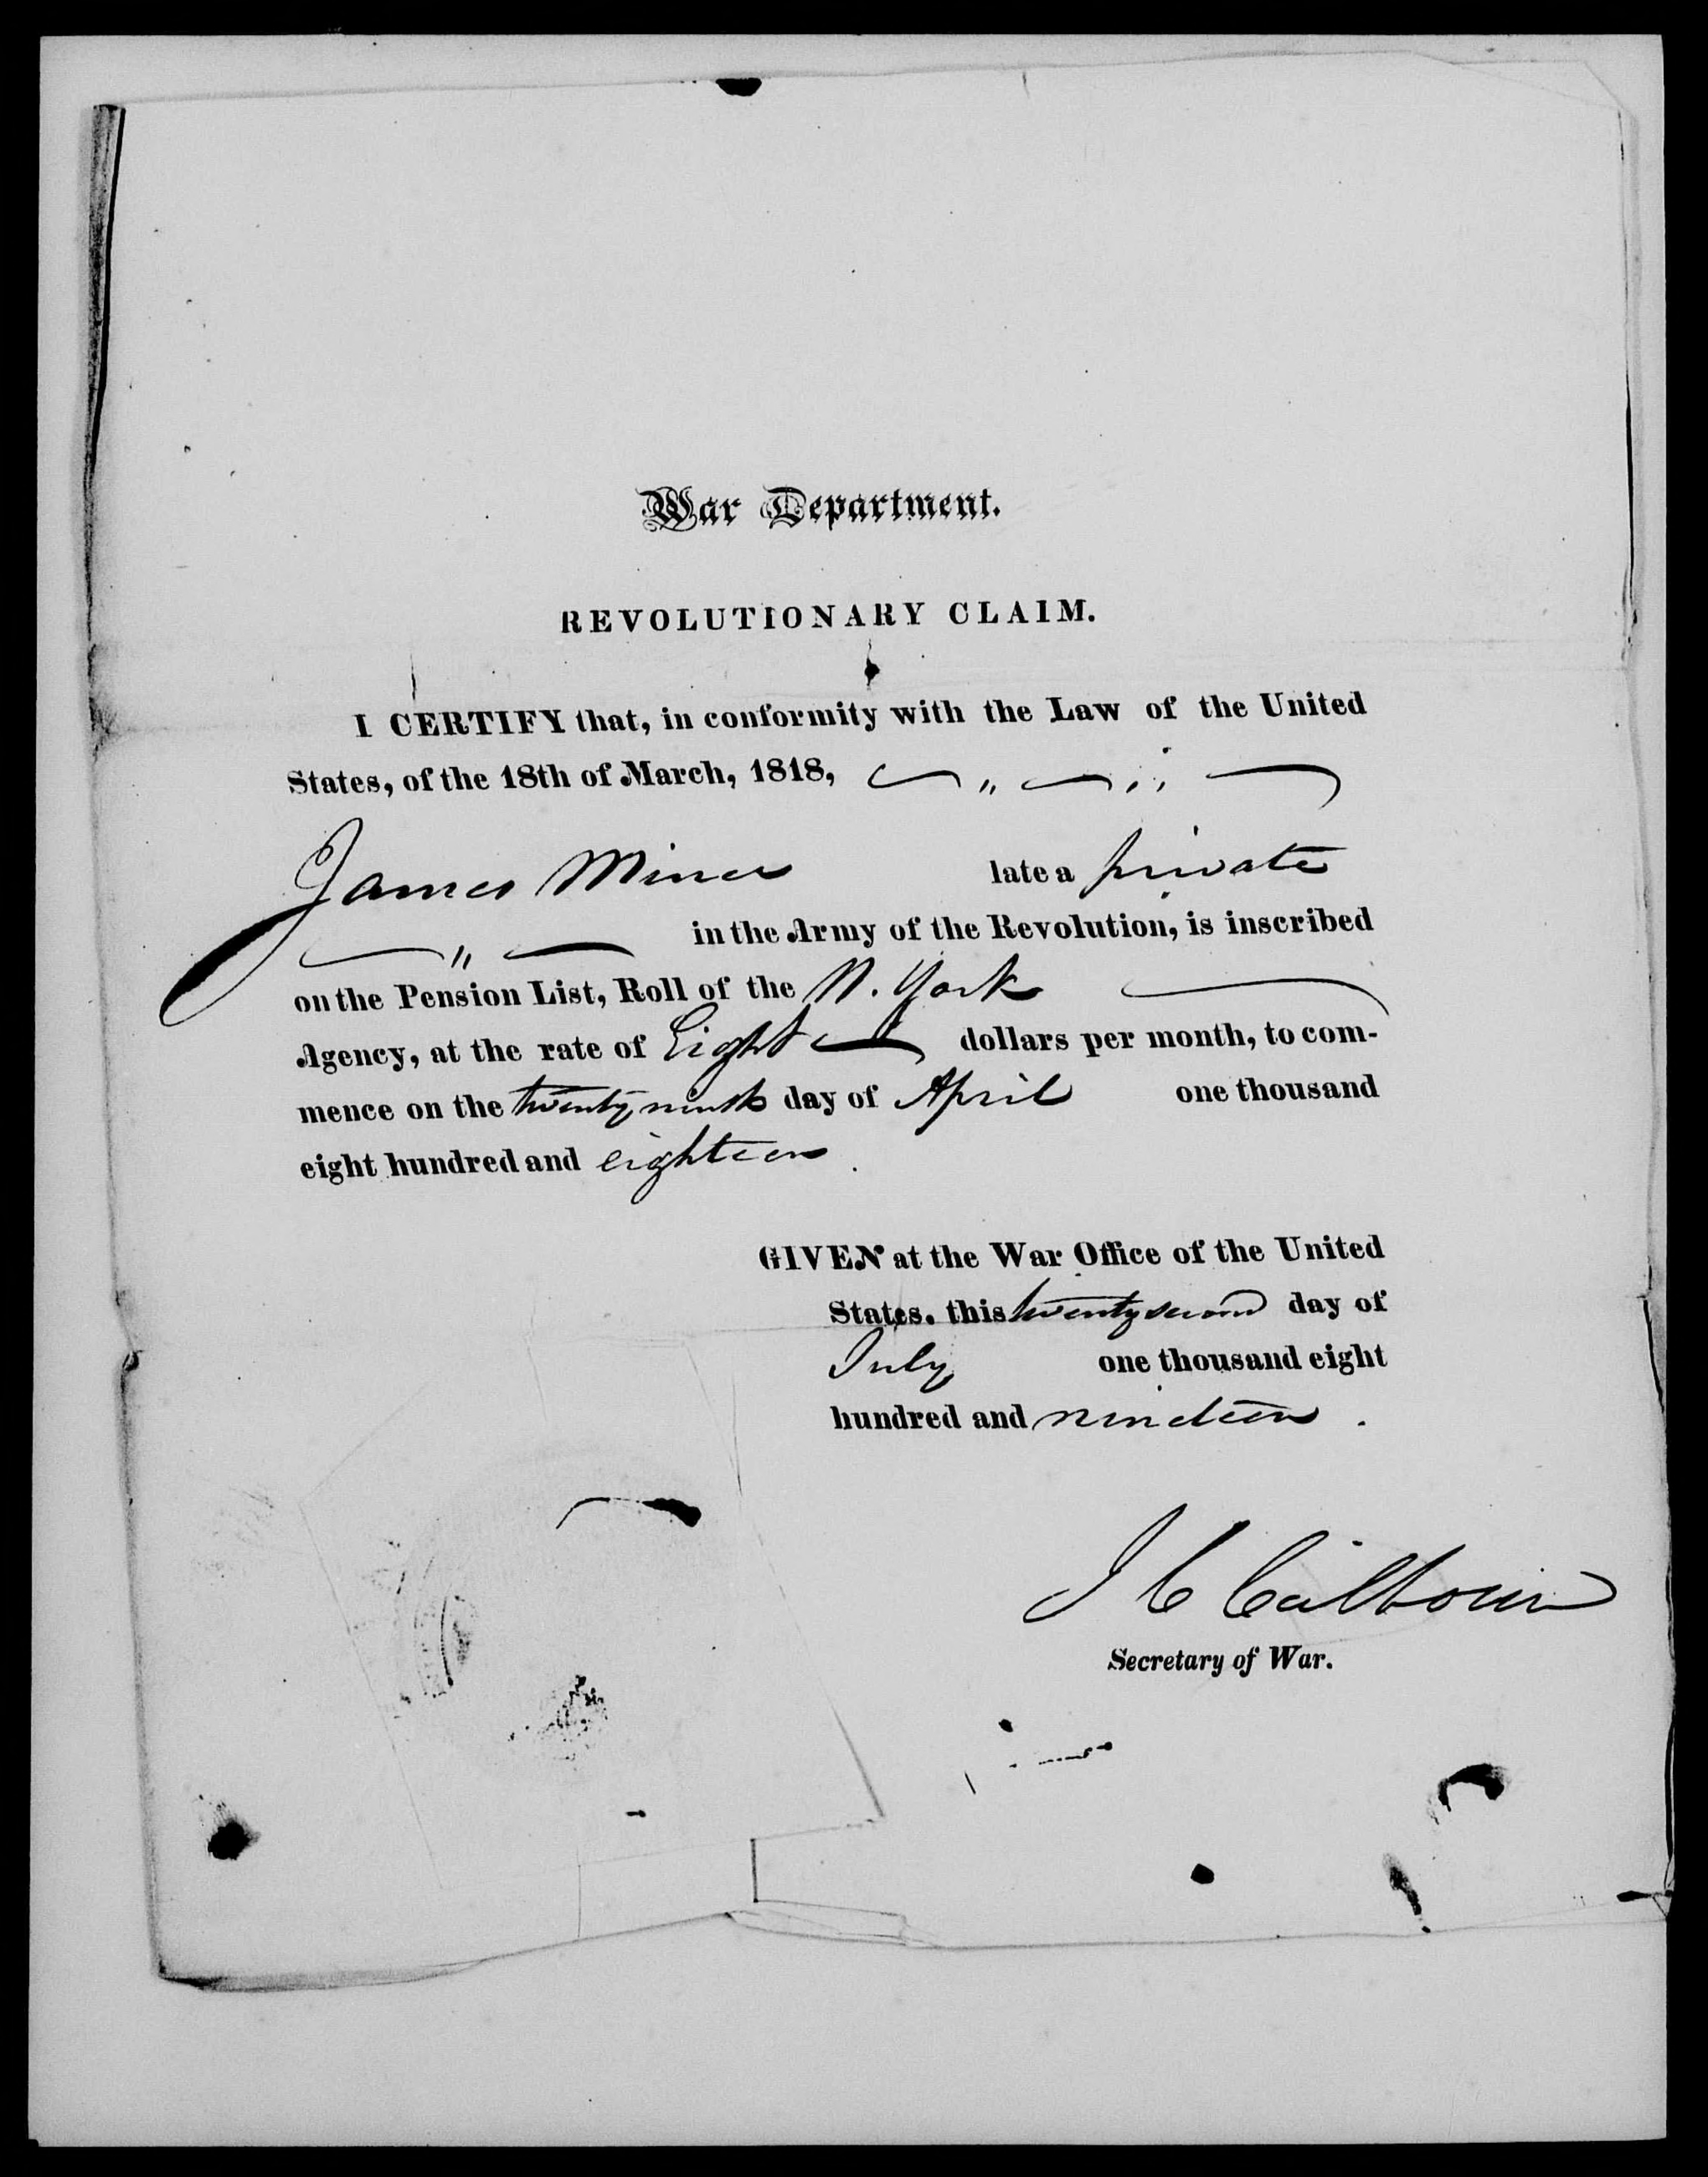War Department.

REVOLUTIONARY CLAIM. 

I CERTIFY that, in conformity with the Law of the United States , of the 18th of March, 1818, [handwritten James Miner] late a [handwritten private] in the Army of the Revolution, is inscribed on the Pension List, Roll of the [handwritten N. York] Agency, at the rate of [handwritten Eight] dollars per month, to commence on the [handwritten twenty ninth] day of [handwritten April] one thousand eight hundred and [handwritten eighteen.] 

GIVEN at the War Office of the United 
States , this [handwritten twenty second] day of
[handwritten July] one thousand eight 
hundred and [handwritten nineteen.] 

[handwritten J C Calhoun] 
Secretary of War.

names: J C Calhoun; James Miner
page: 22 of 39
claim: survivor's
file: S. 23802, for James Miner, Connecticut